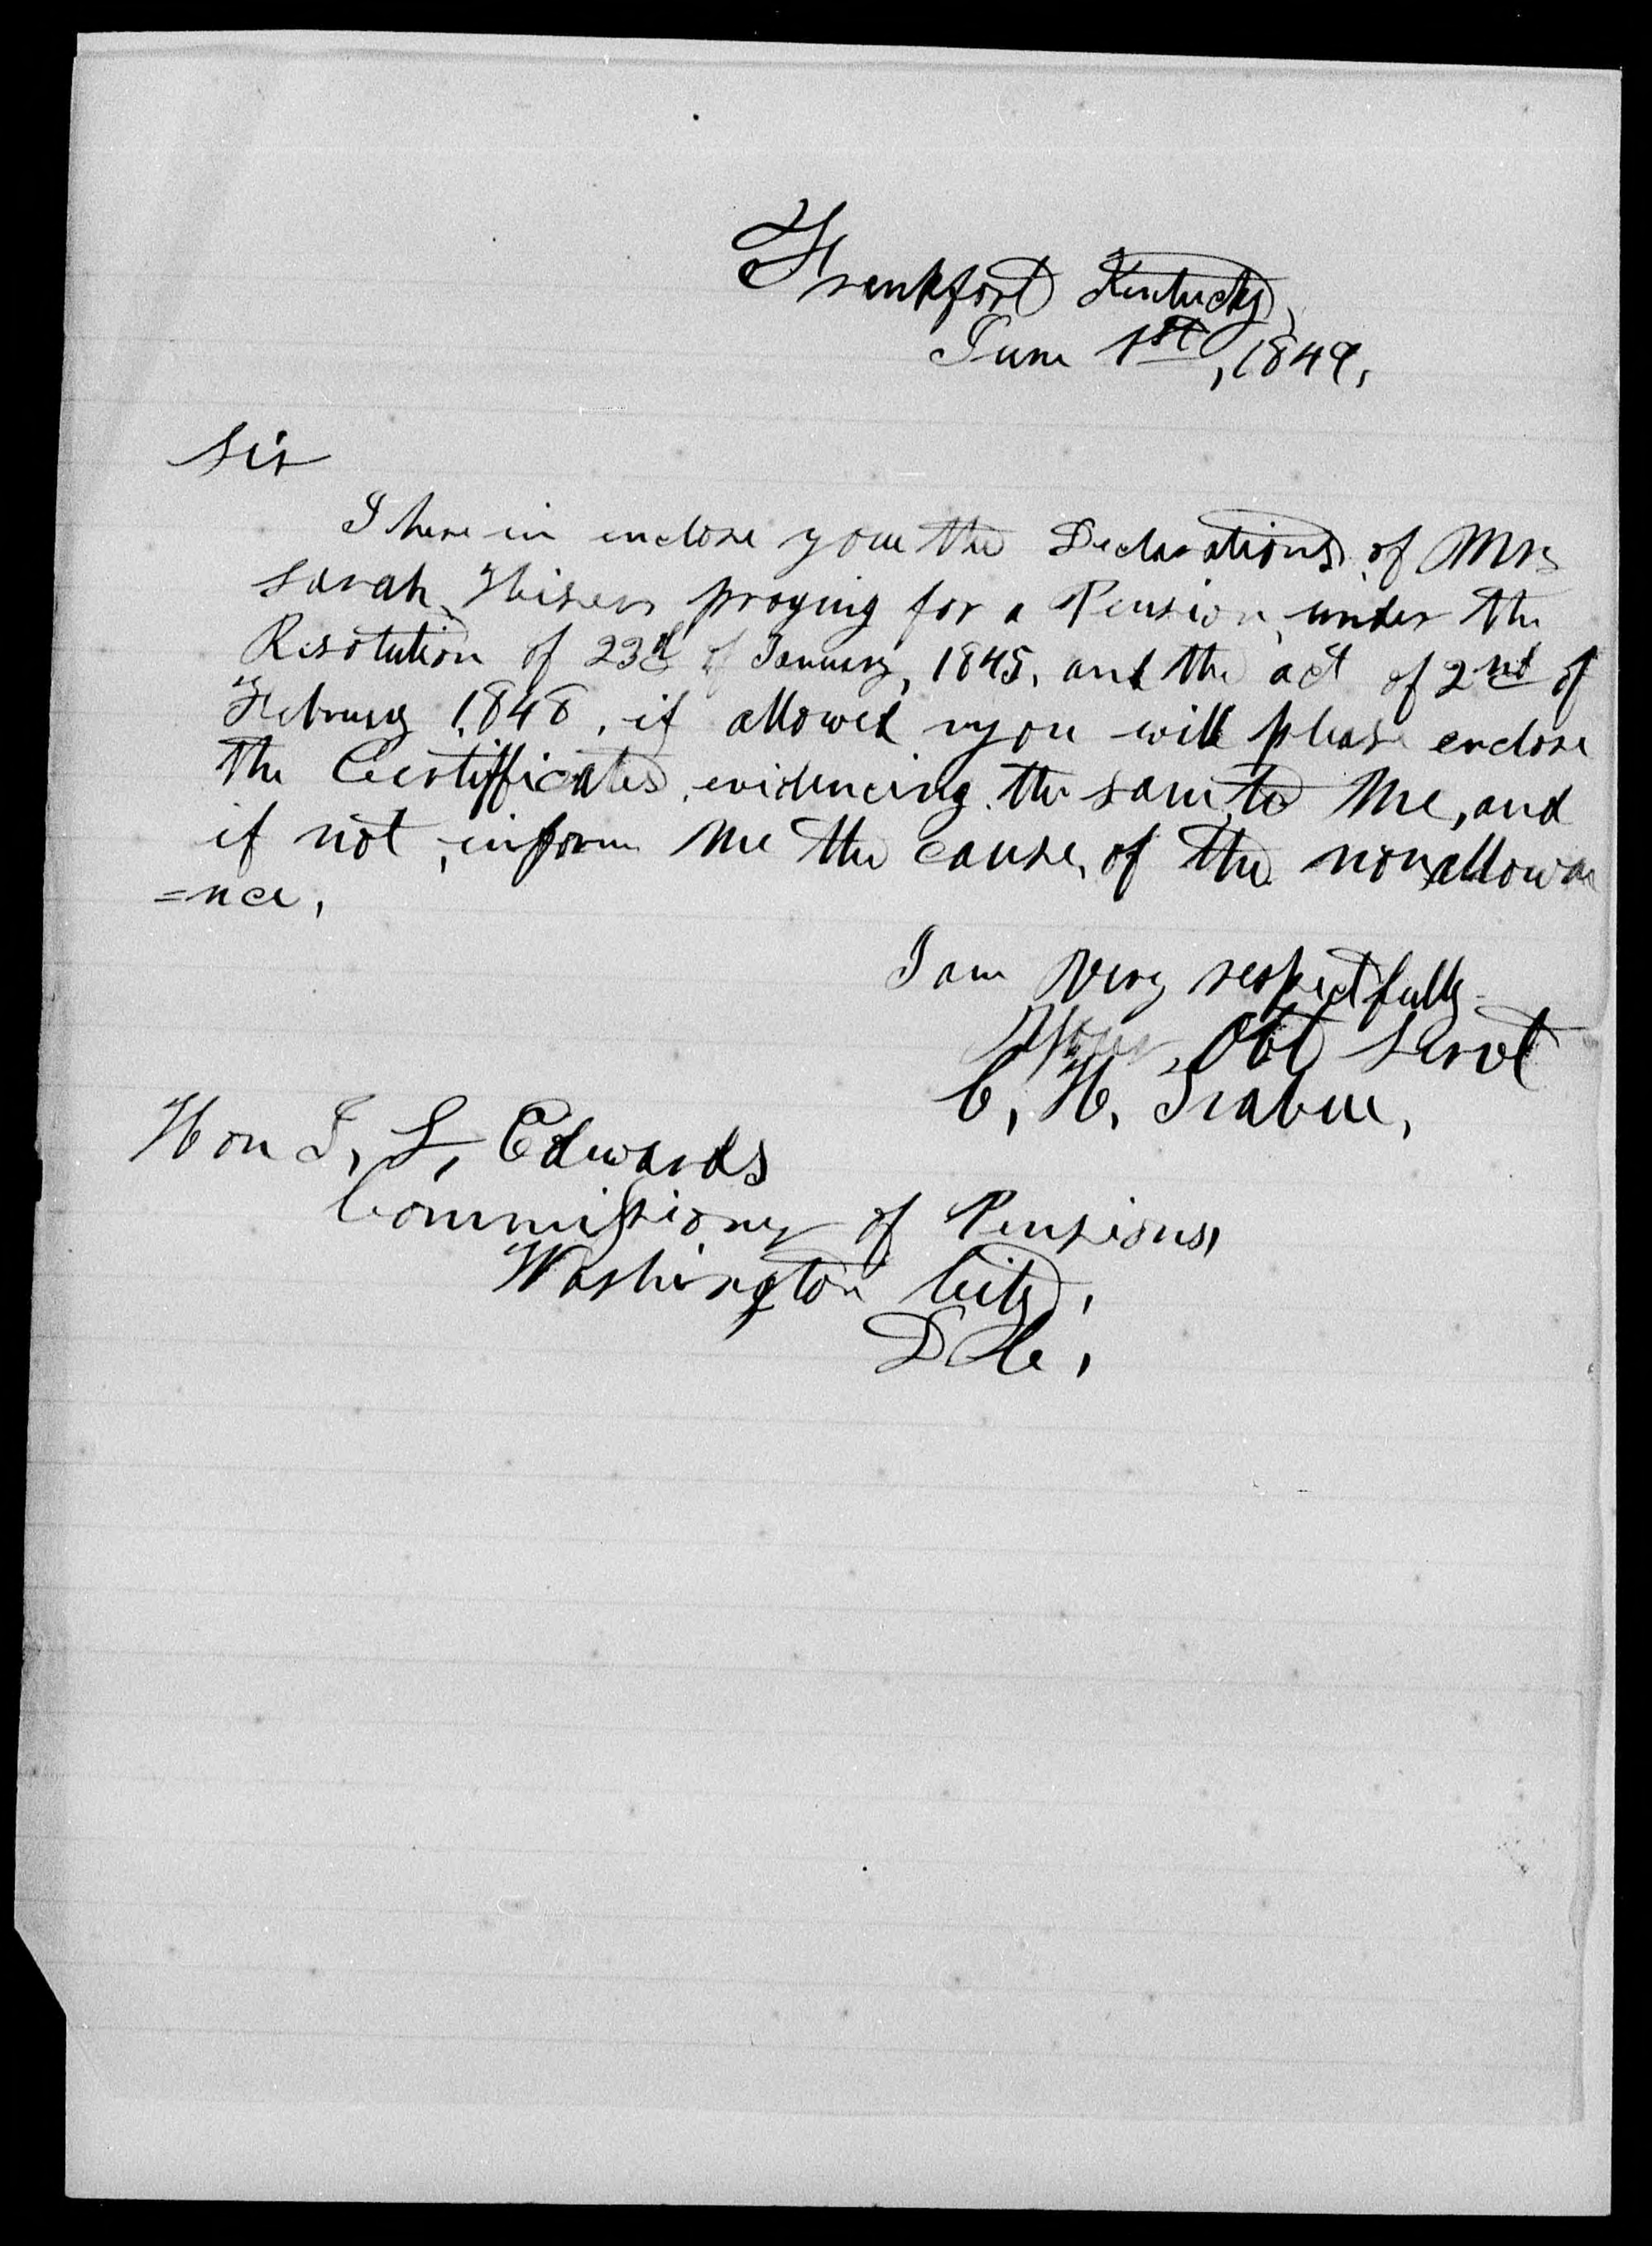Frankfort Kentucky
June 1st, 1849.

Sir
I herein enclose you the Declaration of Mrs Sarah Hiser praying for a Pension under the Resolution of 23rd of January, 1845, and the act of 2nd of February 1848, if allowed you will please enclose the Certifficates evidencing the same to me, and if not, inform me the cause of the non-allowance.
                    I am Very respectfully 
                    Your Ob't Serv't
                    C. H. Trabue

Hon J. L. Edwards
Commissioner of Pensions
Washington City,
                       D. C.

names: C H Trabue, J L Edwards, Sarah Hiser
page: 26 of 58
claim: widow's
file: W. 8932, John Hiser, Penn.